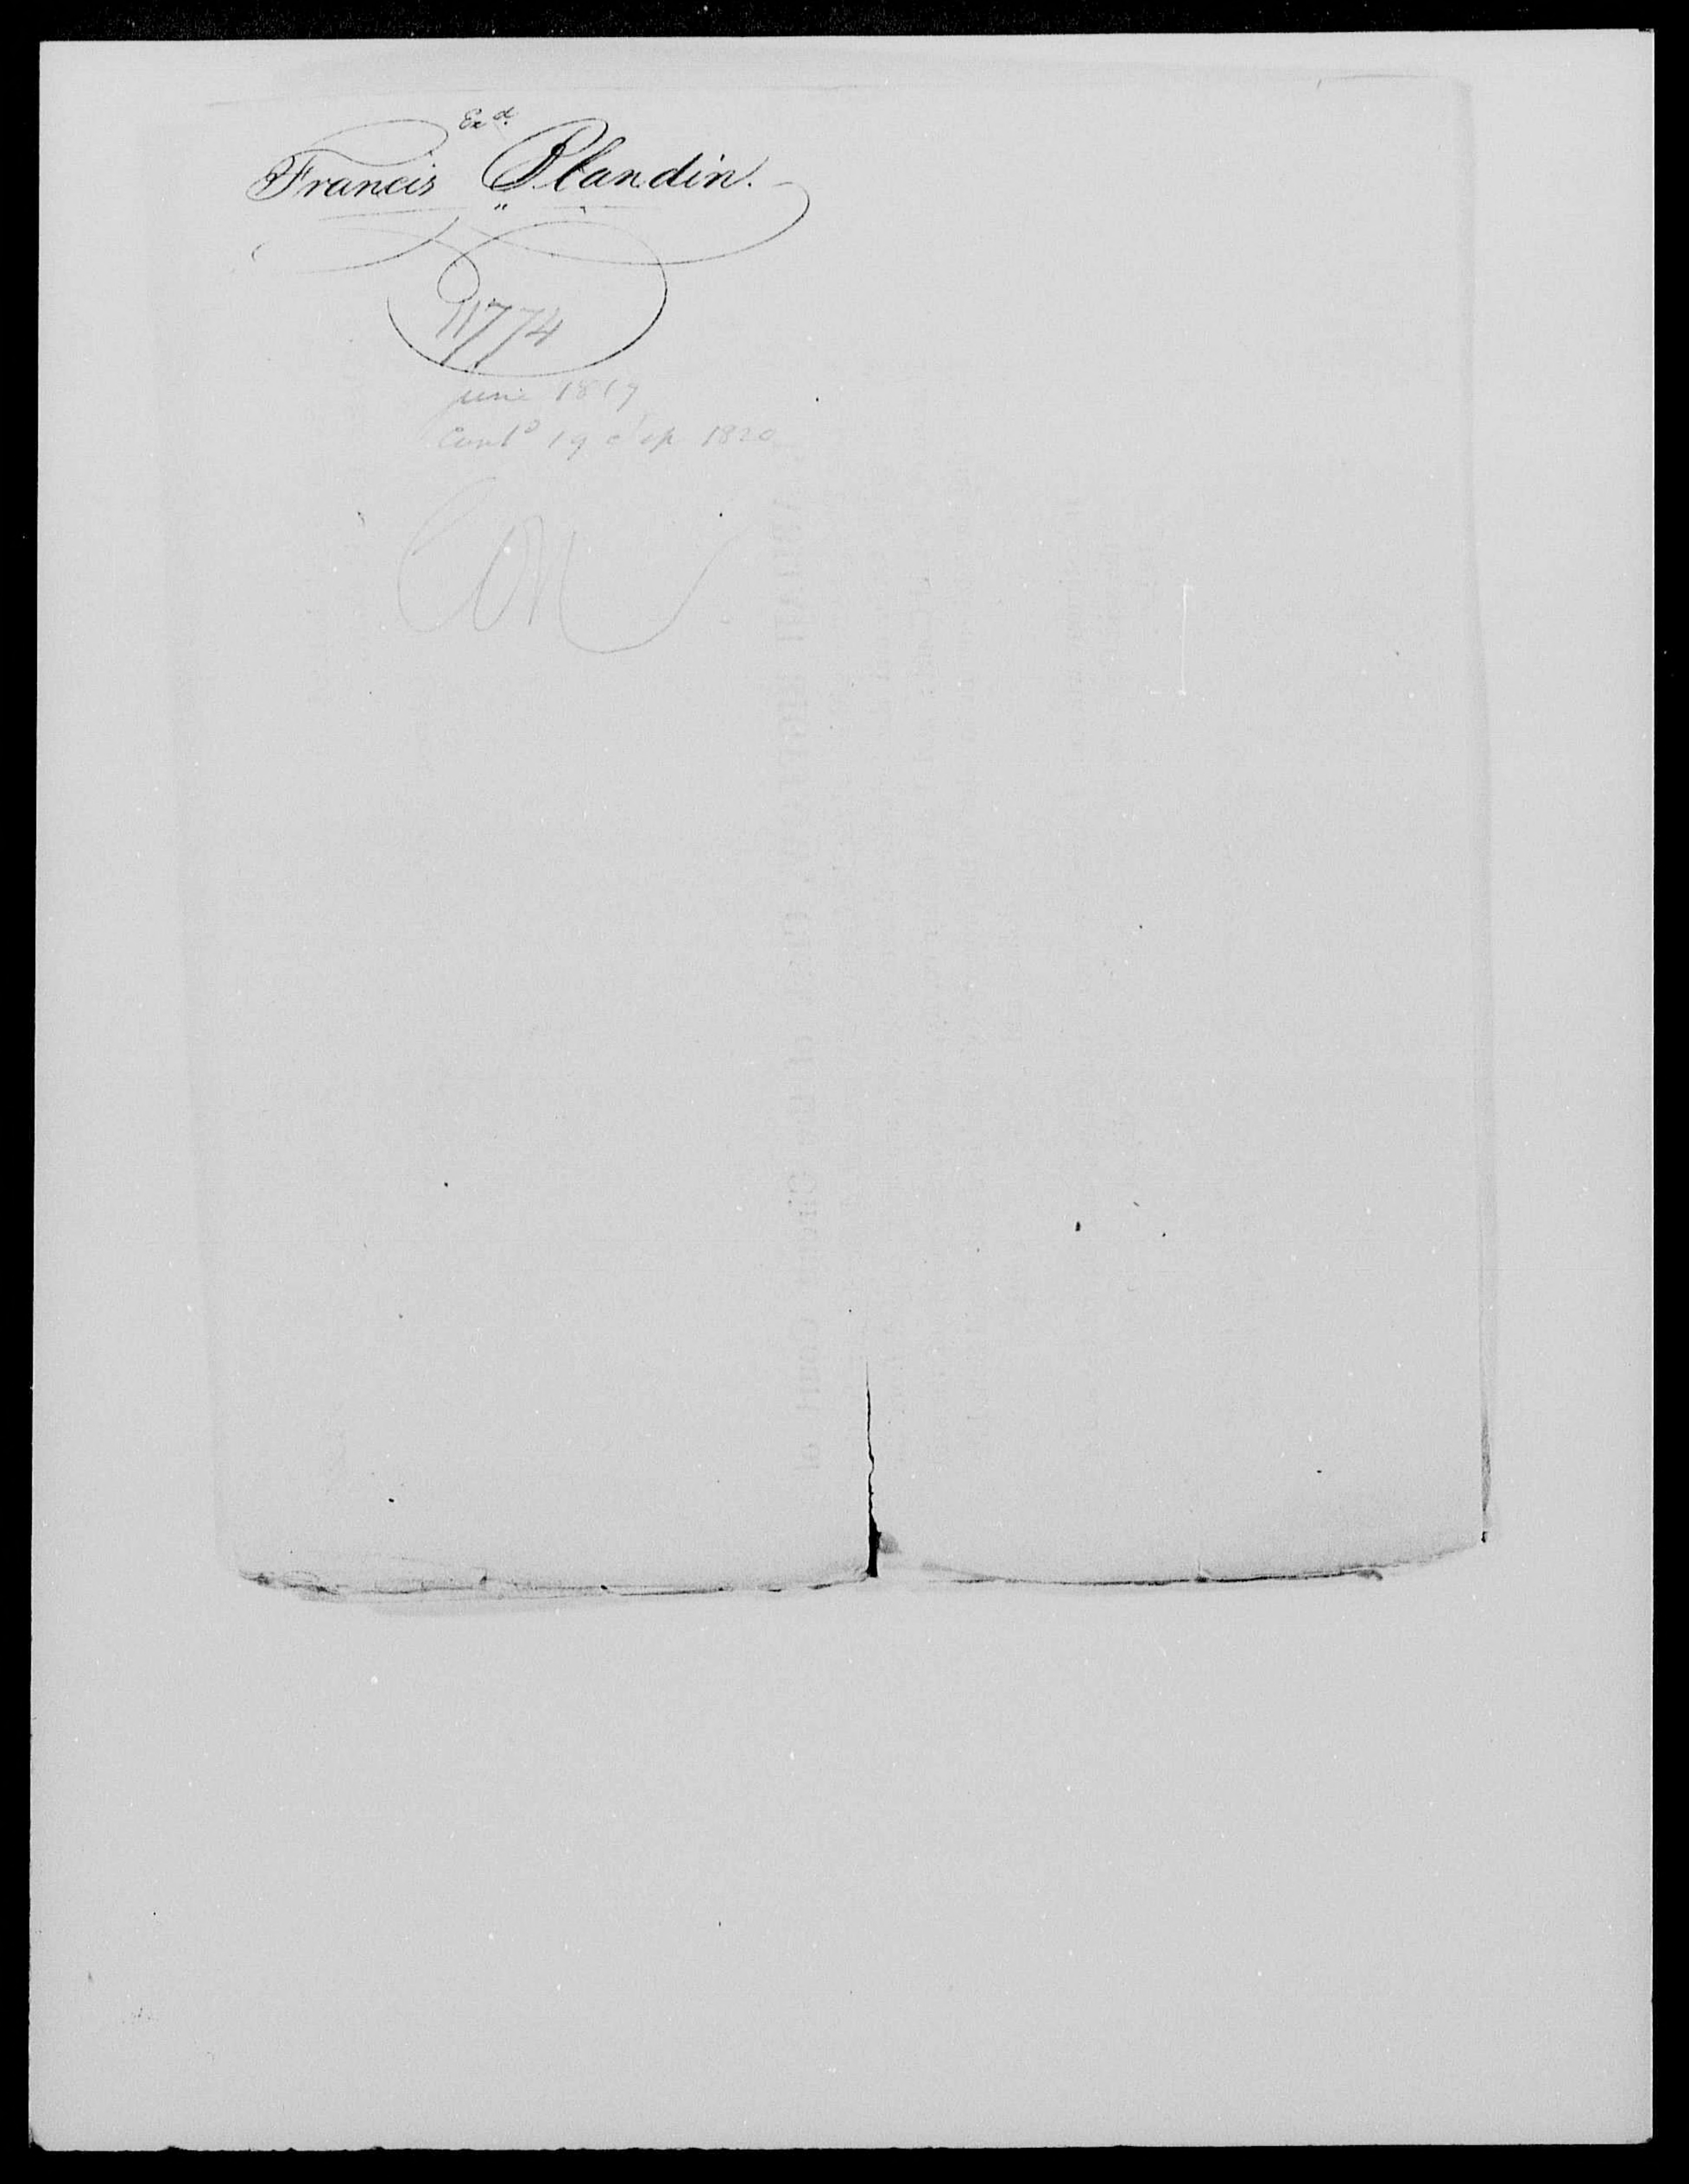Francis Blandin

11774

June 1819

Cont 19 Sep 1820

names: Francis Blandin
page: 3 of 14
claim: survivor's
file: S. 34,049, Francis Blandin, Mass.